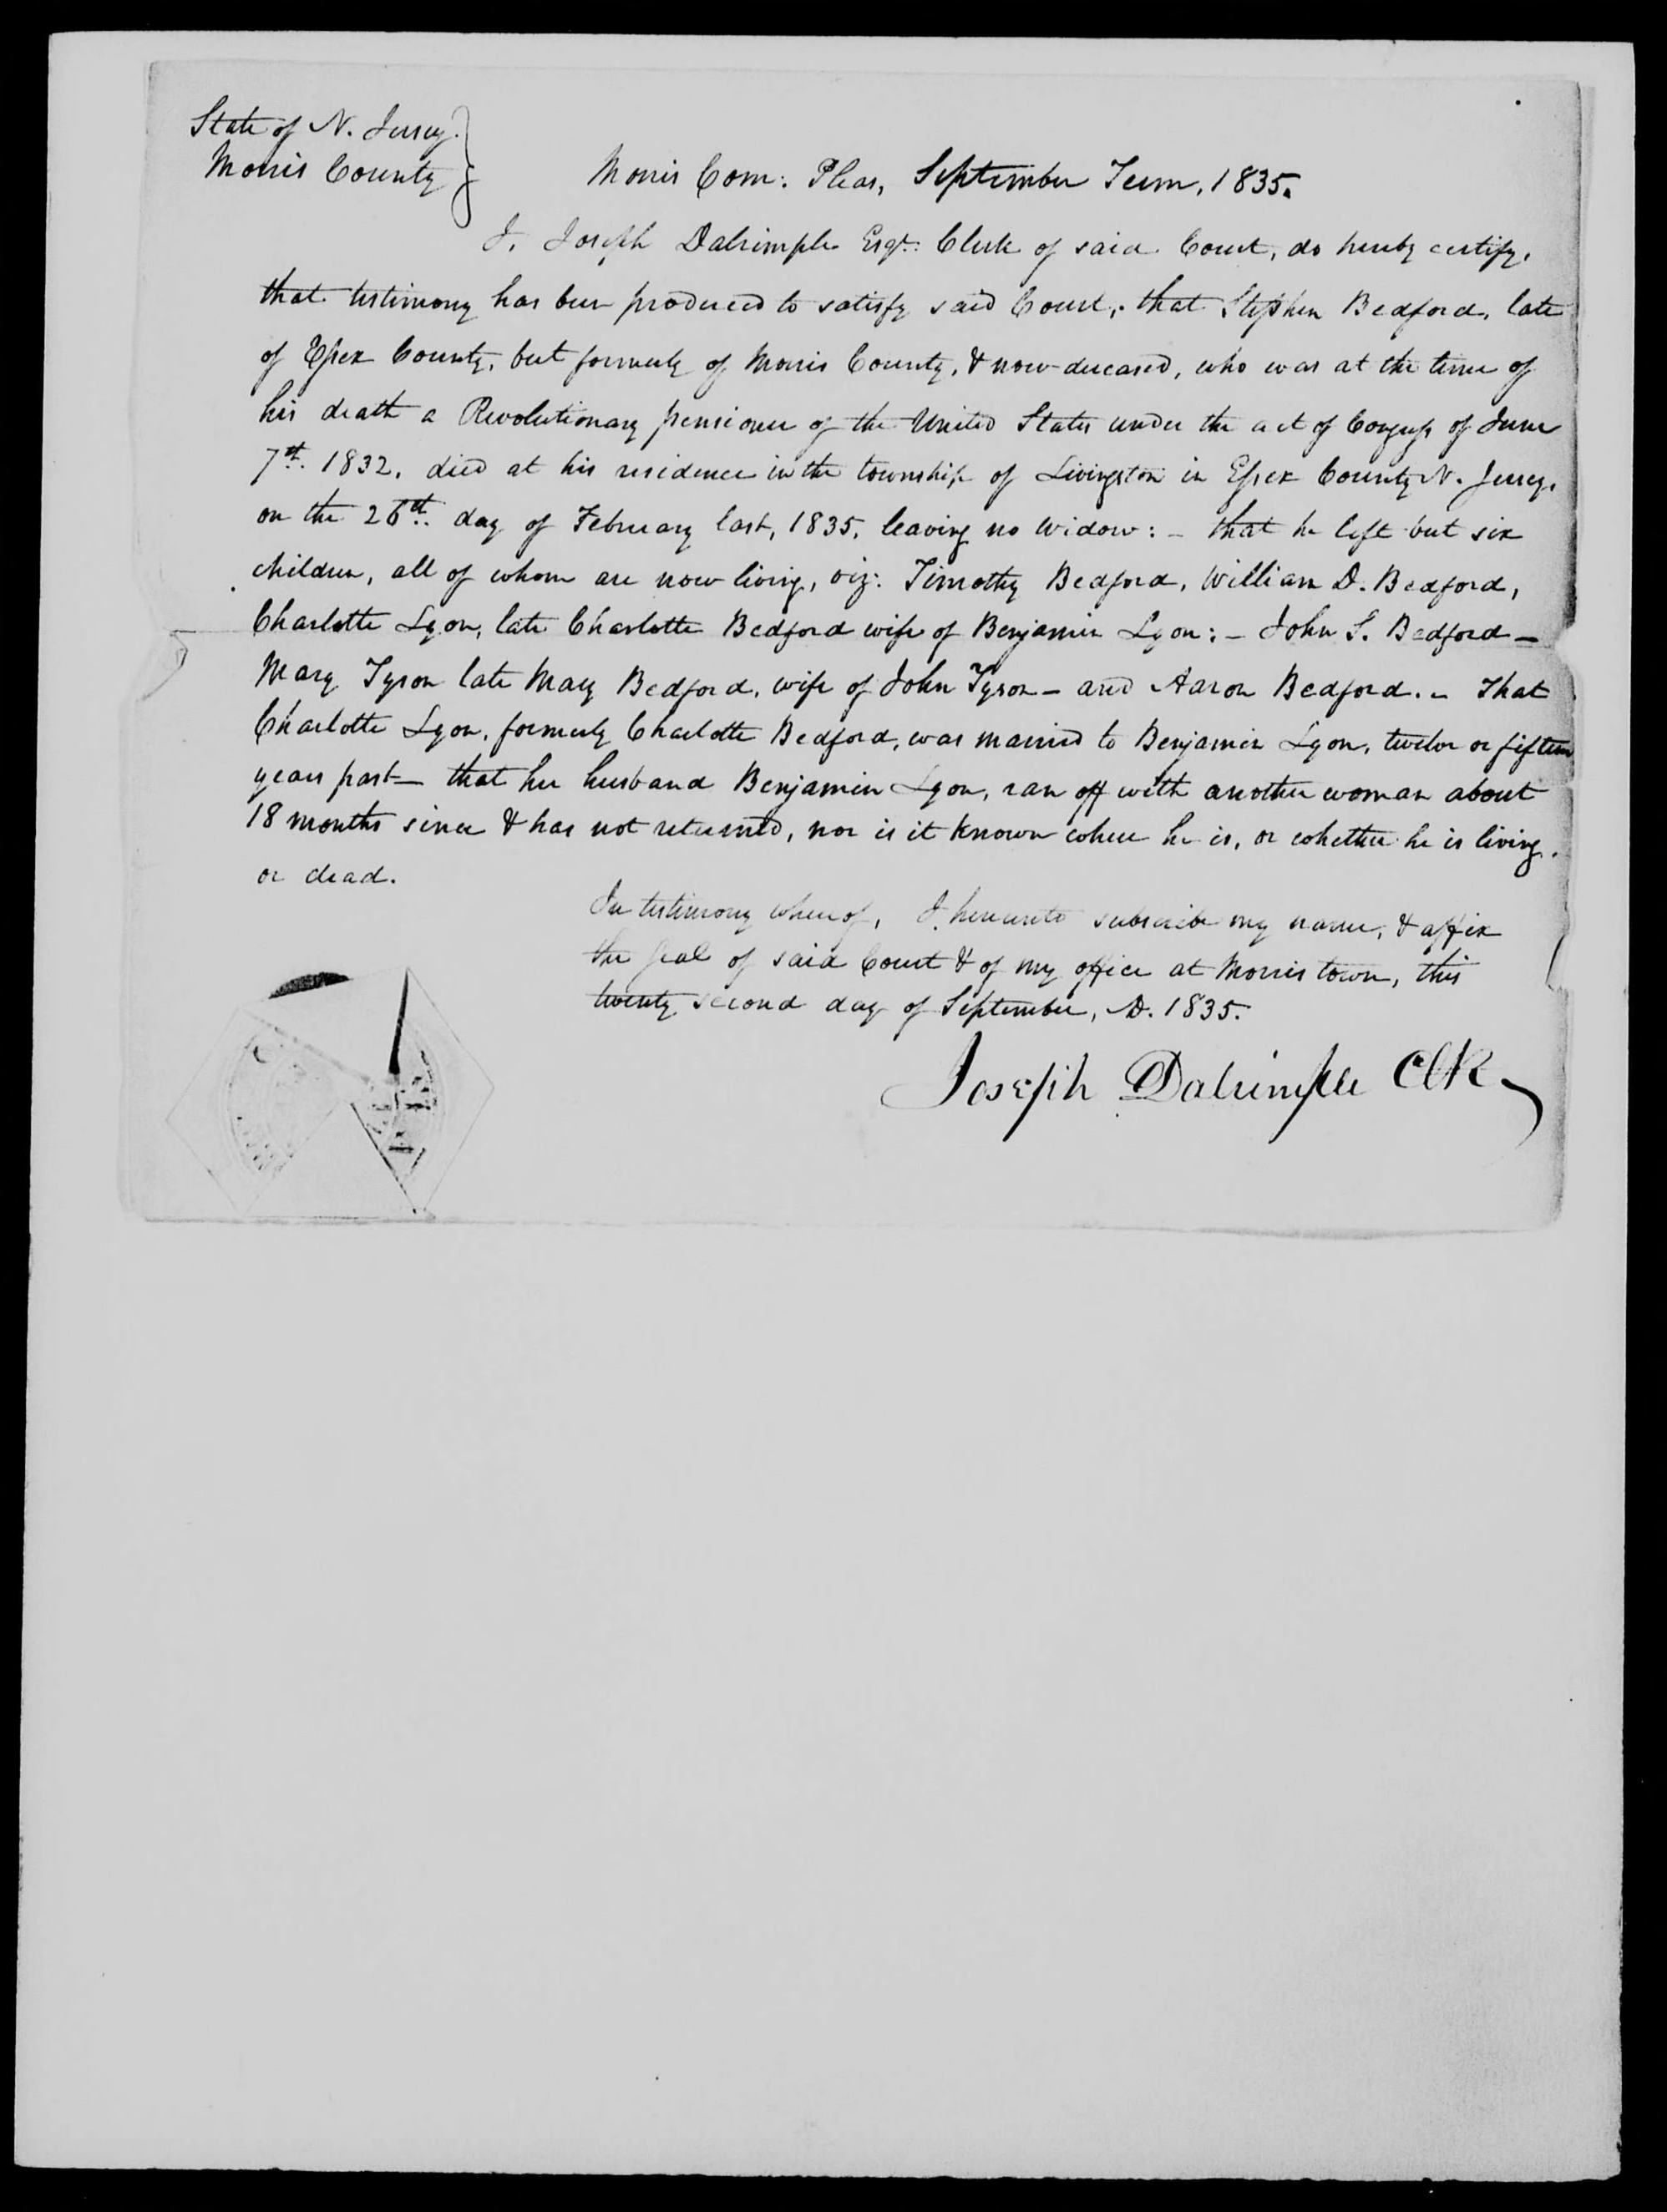State of N. Jersey}
Morris County} Morris Com. Pleas, September Term, 1835.
I, Joseph Dalrimple Esqr. Clerk of said Court, do hereby certify, that testimony has been produced to satisfy said Court, that Stephen Bedford, late of Essex County, but formerly of Morris County, & now deceased, who was at the time of his death a Revolutionary pensioner of the United States under the act of Congress of June 7th, 1832, died at his residence in the township of Livingston in Essex County N. Jersey, on the 26th day of February last, 1835, leaving no widow: that he left but six children, all of whom are now living, viz: Timothy Bedford, William D. Bedford, Charlotte Lyon, late Charlotte Bedford wife of Benjamin Lyon; John S. Bedford Mary Tyson late Mary Bedford, wife of John Tyson - and Aaron Bedford. that Charlotte Lyon, formerly Charlotte Bedford, was married to Benjamin Lyon, twelve or fifteen years past - that her husband Benjamin Lyon, ran off with another woman about 18 months since & has not returned, nor is it known where he is, or whether he is living or dead.
In testimony whereof, I hereunto subscribed my name & affix the Seal of said Court & of my office at Morris town, this twenty second day of September, AD 1835.
Joseph Dalrimple Clk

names: Charlotte Lyon, John Tyson, Aaron Bedford, Charlotte Lyon, Charlotte Bedford, Joseph Dalrimple, Stephen Bedford, Mary Tyson, Benjamin Lyon, Benjamin Lyon, John S Bedford, Joseph Dalrimple, Benjamin Lyon, William D Bedford, Charlotte Bedford, Timothy Bedford, Mary Bedford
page: 23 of 31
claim: survivor's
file: S. 2372, Stephen Bedford, New Jersey